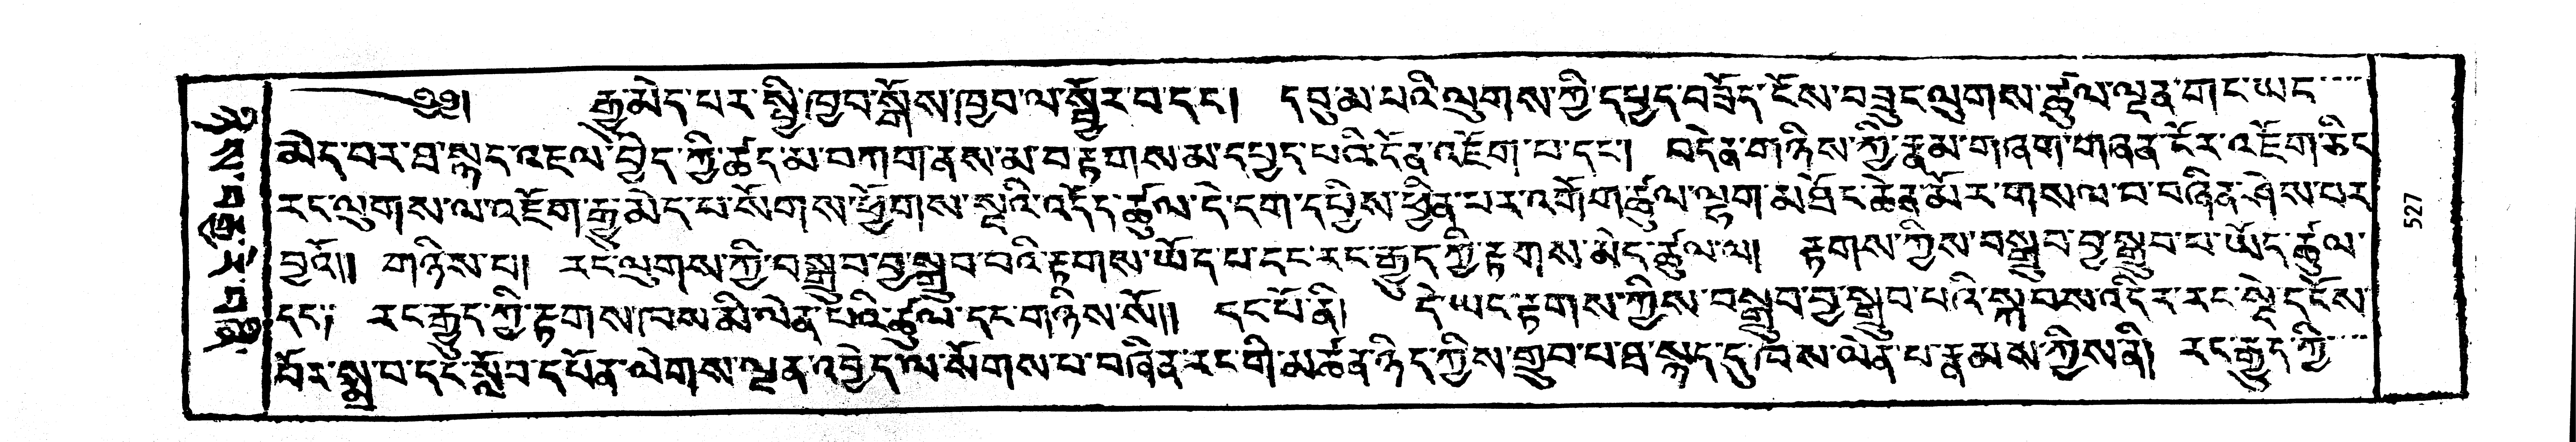༄༅། །རྒྱུ་མེད་པར་སྤྱི་ཁྱབ་སྒོས་ཁྱབ་ལ་སྦྱོར་བ་དང་། དབུ་མ་པའི་ལུགས་ཀྱི་དཔྱད་བཟོད་ངོས་བཟུང་ལུགས་ཚུལ་ལྡན་གང་ཡང་
མེད་པར་ཐ་སྙད་འཇལ་བྱེད་ཀྱི་ཚད་མ་བཀག་ནས་མ་བརྟགས་མ་དཔྱད་པའི་དོན་འཇོག་པ་དང་། བདེན་གཉིས་ཀྱི་རྣམ་གཞག་གཞན་ངོར་འཇོག་ཅིང་
རང་ལུགས་ལ་འཇོག་རྒྱུ་མེད་པ་སོགས་ཕྱོགས་སྔའི་འདོད་ཚུལ་དེ་དག་དཔྱིས་ཕྱིན་པར་འགོག་ཚུལ་ལྷག་མཐོང་ཆེན་མོར་གསལ་བ་བཞིན་ཤེས་པར་
བྱའོ། །གཉིས་པ། རང་ལུགས་ཀྱི་བསྒྲུབ་བྱ་སྒྲུབ་པའི་རྟགས་ཡོད་པ་དང་རང་རྒྱུད་ཀྱི་རྟགས་མེད་ཚུལ་ལ། རྟགས་ཀྱིས་བསྒྲུབ་བྱ་སྒྲུབ་པ་ཡོད་ཚུལ་
དང༑ རང་རྒྱུད་ཀྱི་རྟགས་ཁས་མི་ལེན་པའི་ཚུལ་དང་གཉིས་སོ། །དང་པོ་ནི། དེ་ཡང་རྟགས་ཀྱིས་བསྒྲུབ་བྱ་སྒྲུབ་པའི་སྐབས་འདིར་རང་སྡེ་དངོས་
པོར་སྨྲ་བ་དང་སློབ་དཔོན་ལེགས་ལྡན་འབྱེད་ལ་སོགས་པ་བཞིན་རང་གི་མཚན་ཉིད་ཀྱིས་གྲུབ་པ་ཐ་སྙད་དུ་ཁས་ལེན་པ་རྣམས་ཀྱིས་ནི། རང་རྒྱུད་ཀྱི་